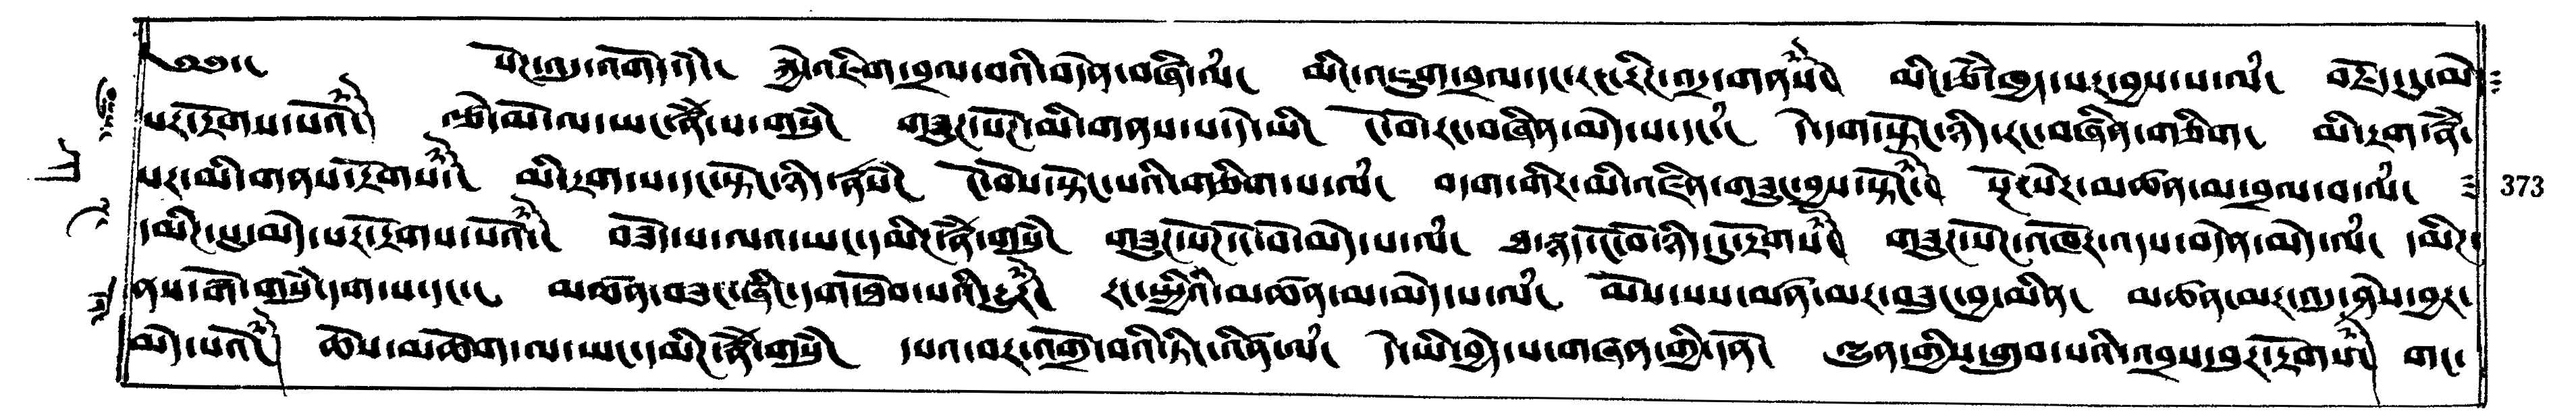སོགས་འདུ་འགོད་དམ། །སྐྱེ་འཇིག་བྲལ་བའི་བདེན་བཞི་ལ། །མིང་འཇུག་བྲལ་དང་རིགས་འདྲ་གནས། །མིང་ཙམ་ཁྱད་པར་བྱས་པ་ལ། །བརྗོད་དུ་མེད་
པར་རྟོགས་པའོ། །རྩེ་མོ་ལ་ཡང་རྣམ་པ་གསུམ། །གཟུགས་སོགས་མི་གནས་པ་དེ་ཡི། །ངོ་བོ་རང་བཞིན་མེད་པ་དང་། །དེ་དག་སྟོང་ཉིད་རང་བཞིན་གཅིག །མི་རྟག་རྣམ་
པར་མི་གནས་རྟོགས། །མི་རྟག་པ་དང་སྟོང་ཉིད་རྣམས། །ངོ་བོས་སྟོང་པའི་གཅིག་པ་ལ། །བདག་གིར་མི་འཛིན་གཟུང་བྱས་སྟོང་། །སྔོ་སེར་མཚན་མ་བྲལ་བ་ལ། །
དམིགས་སུ་མེད་པར་རྟོགས་པའོ། །བཟོད་པ་ལ་ཡང་དམིགས་རྣམ་གསུམ། །གཟུགས་སོགས་ངོ་བོ་མེད་པ་ལ། །ཐ་སྙད་ངོ་བོ་ཉིད་དུ་རྟོགས། །གཟུགས་སོགས་འཁོར་འདས་བདེན་མཻད་ལ། །དམིགས་
ནས་སྒོ་གསུམ་དག་པ་དང་། །མཚན་བཟང་ཞིང་དག་ཐོབ་པའི་རྒྱུར། །རང་སྤྱིའི་མཚན་མ་མེད་པ་ལ། །མོས་པས་མཚན་མར་བཟུང་བྱ་མིན། །མཚན་མར་འདུ་ཤེས་བྱར་
མེད་པའོ། །ཆོས་མཆོག་ལ་ཡང་དམིགས་རྣམ་གསུམ། །དཔའ་བར་འགྲོ་བའི་ཏིང་འཛིན་ལ། །དེ་ཡི་བྱེད་པ་གཞན་གྱི་དོན། །ལྷུན་གྱིས་གྲུབ་པའི་འབྲས་བུར་རྟོགས། །གང་